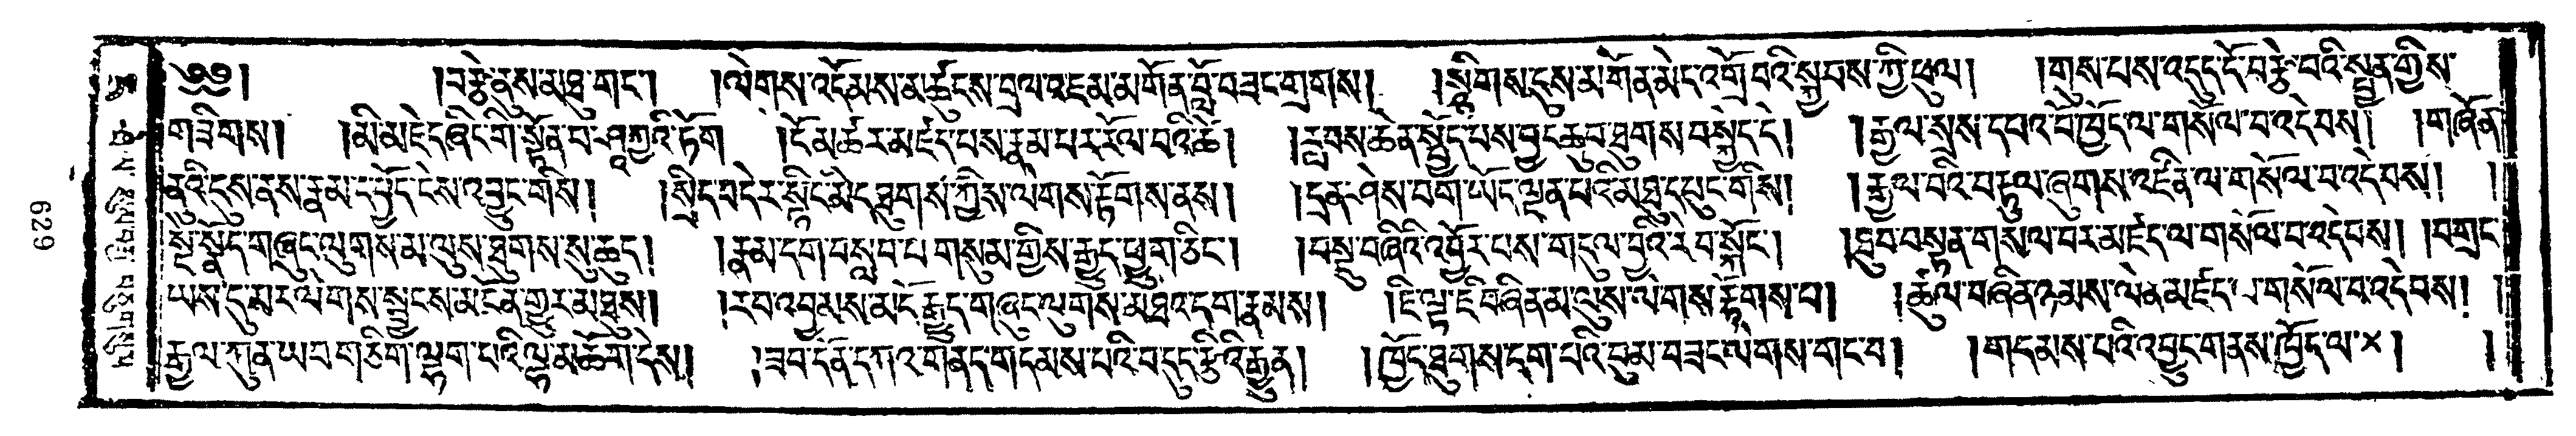༄༅། །བརྩེ་ནུས་མཐུ་གང་། །ལེགས་འདོམས་མཚུངས་བྲལ་འཇམ་མགོན་བློ་བཟང་གྲགས། །སྙིགས་དུས་མགོན་མེད་འགྲོ་བའི་སྐྱབས་ཀྱི་ཕུལ། །གུས་པས་འདུད་དོ་བརྩེ་བའི་སྤྱན་གྱིས་
གཟིགས། །མི་མཇེད་ཞིང་གི་སྟོན་པ་ཤཱཀྱའི་ཏོག །ངོ་མཚར་མཛད་པས་རྣམ་པར་རོལ་བའི་ཚེ། །རླབས་ཆེན་སྤྱོད་པས་བྱང་ཆུབ་ཐུགས་བསྐྱེད་དེ། །རྒྱལ་སྲས་དཔའ་བོ་ཁྱོད་ལ་གསོལ་བ་འདེབས། །གཞོན་
ནུའི་དུས་ནས་རྣམ་དཔྱོད་ངེས་འབྱུང་གིས། །སྲིད་བདེར་སྙིང་མེད་ཐུགས་ཀྱིས་ལེགས་རྟོགས་ནས། །དྲན་ཤེས་བག་ཡོད་ལྡན་པའི་མཐུ་དཔུང་གིས། །རྒྱལ་བའི་བརྟུལ་ཞུགས་འཛིན་ལ་གསོལ་བ་འདེབས། །
སྡེ་སྣོད་གཞུང་ལུགས་མ་ལུས་ཐུགས་སུ་ཆུད། །རྣམ་དག་བསླབ་པ་གསུམ་གྱིས་རྒྱུད་ཕྱུག་ཅིང་། །བསྡུ་བཞིའི་འབྱོར་བས་གདུལ་བྱའི་རེ་བ་སྐོང་། །ཐུབ་བསྟན་གསལ་བར་མཛད་ལ་གསོལ་བ་འདེབས། །བགྲང་
ཡས་དུ་མར་ལེགས་སྦྱངས་མངོན་གྱུར་མཐུས། །རབ་འབྱམས་མདོ་རྒྱུད་གཞུང་ལུགས་མཐའ་དག་རྣམས། །ཇི་ལྟ་ཇི་བཞིན་མ་ལུས་ལེགས་རྟོགས་པ། །ཚུལ་བཞིན་ཉམས་ལེན་མཛད་ལ་གསོལ་བ་འདེབས། །
རྒྱལ་ཀུན་ཡབ་གཅིག་ལྷག་པའི་ལྷ་མཆོག་དེས། །ཟབ་དོན་དཀའ་གནད་གདམས་པའི་བདུད་རྩིའི་རྒྱུན། །ཁྱོད་ཐུགས་དག་པའི་བུམ་བཟང་ལེགས་གང་བ། །གདམས་པའི་འབྱུང་གནས་ཁྱོད་ལ་྾། །